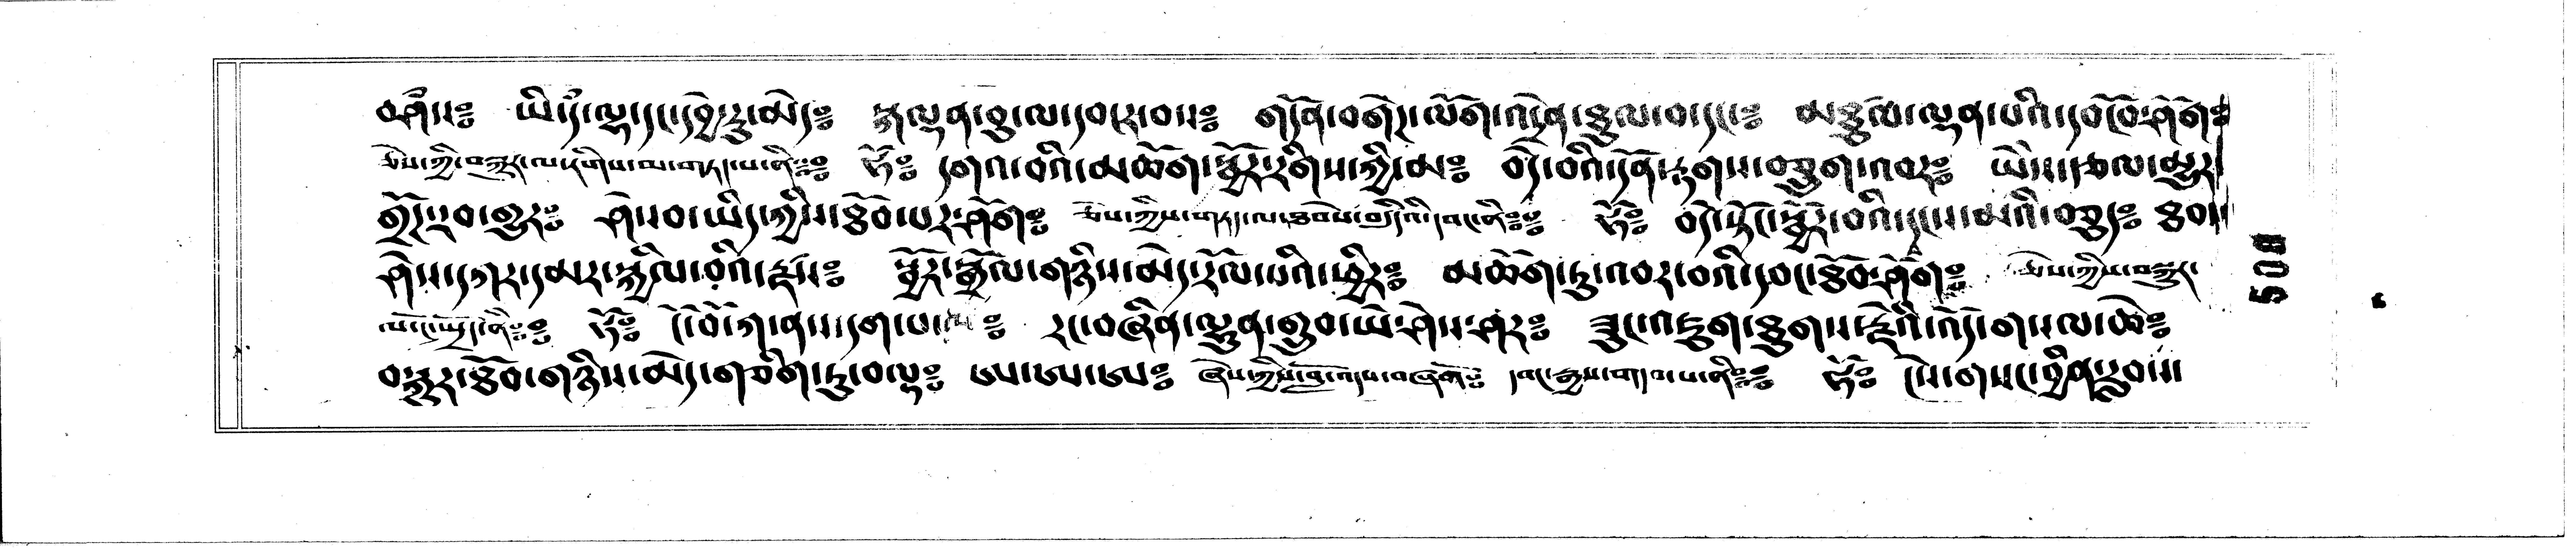བཤམས༔ཡི་དམ་ལྷ་དང་དབྱེ་་རུ་མེད༔སྐལ་ལྡན་བུ་ལ་དབང་བསྐུར་བས༔གདོན་བགེགས་ལོག་འདྲེན་ཐུལ་བ་དང་༔མཐུ་རྩལ་ལྡན་པའི་དབང་ཐོབ་ཤོག༔
ཅེས་ཀྱི་བསྐུར་ལ་རིགས་མ་གཏད་པ་ནི༔ཧོ༔དགའ་བའི་མཆོག་སྦྱོར་རིགས་ཀྱི་མ༔བདེ་བའི་དོན་རྟགས་བཅུ་དྲུག་འབར༔ཡེ་ཤེས་རྩལ་མྱུར་
གྲོགས་རབ་གྱུར༔ཤེས་རབ་ཡིད་ཀྱིས་ཐོབ་པར་ཤོག༔ཅེས་ཀྱིས་གཏད་ལ་ཐབས་ཤེས་བདུད་རྩིའི་དབང་ནི༔ཧོ༔བདེ་སྟོང་སྦྱོར་བའི་དྭངས་མའི་བཅུད༔ཐབས་
ཤེས་དཀར་དམར་སྐྱིལ་བའི་རྫས༔སྦྱོར་སྒྲོལ་གཉིས་མེད་རོལ་པའི་ཕྱིར༔མཆོག་ཏུ་འབར་བའི་དབང་ཐོབ་ཤོག༔ཅེས་ཀྱིས་བསྐུར་
བ་ངོ་སྤྲོད་ནི༔༔ཧོ༔ངོ་བོ་ཀ་ནས་དག་པ་ལ༔རང་བཞིན་ལྷུན་་གྲུབ་ཡེ་ཤེས་ཤར༔ཟུང་འཇུག་ཐུགས་རྗེའི་འོད་གསལ་ཆེ༔
བསྐུར་ཐོབ་གཉིས་མེད་གཅིག་ཏུ་བལྟ༔ཨ་ཨ་ཨ༔ཞེས་ཀྱི་བློ་འདས་བཞག་གོ༔དབང་རྒྱས་གདབ་པ་ནི༔ཧོ༔ ངེས་གསང་བྱིན་རླབས་